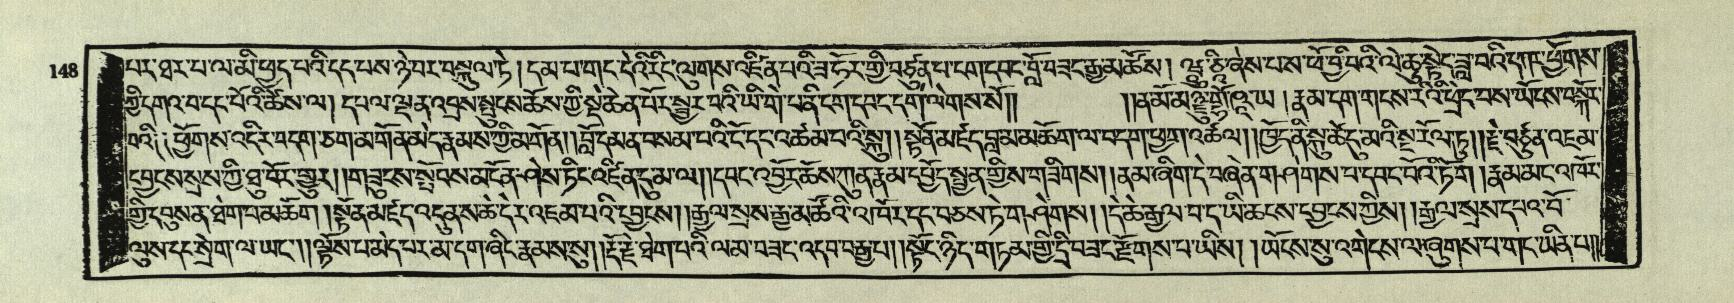པར་ཐར་པ་ལ་མི་ཕྱད་པའི་དད་པས་ཉེ་བར་བསྐུལ་ཏེ། དམ་པ་གང་དེའི་རིང་ལུགས་འཛིན་པའི་ཟ་ཧོར་གྱི་བཙུན་པ་དག་དབང་བློ་བཟང་རྒྱ་མཚོས། །ཝཱུ་ཅཱི་ཞེས་པ་ས་ཕོ་བྱི་བའི་ལེ་ཆུ་སྟེད་ཟླ་བའི་དཀར་ཕྱོགས་
ཀྱི་དགའ་བ་དང་པོའི་ཚེས་ལ། དཔལ་ལྡན་འབྲས་སྤུངས་ཆོས་ཀྱི་སྡེ་ཆེན་པོར་སྦྱར་བའི་ཡི་གེ་པ་ནི་ངག་དབང་དགེ་ལེགས་སོ།། །།ན་མོ་མཉྗུ་གྷོ་ཥཱ་ཡ་།རྣམ་དག་གངས་རིའི་ཕྲེང་བས་ཡོངས་བསྐོར་
བའི༑ ༑ཕྱོགས་འདིར་བདག་ཅག་མགོན་མེད་རྣམས་ཀྱི་མགོན། །བློ་དམན་བསམ་པའི་ངོ་དང་འཚམ་པའི་སྐུ། །སྟོན་མཛད་བླ་མ་མཆོག་ལ་བདག་ཕྱག་འཚལ། །ཁྱོད་ནི་སྐུ་ཚེ་དུ་མའི་སྔ་རོལ་ཏུ། །རྗེ་བཙུན་འཇམ་
དབྱངས་སྲས་ཀྱི་ཐུ་བོར་གྱུར། །གཟུངས་སྤོབས་མངོན་ཤེས་ཏིང་འཛིན་དུ་མ་ལ། །དབང་འབྱོར་ཆོས་ཀུན་རྣམ་དཔྱོད་སྤྱན་གྱིས་གཟིགས། །ནམ་ཞིག་དེ་བཞིན་བཤེགས་པ་དབང་པོའི་ཏོག །རྣམ་མང་འཁོར་
གྱི་དབུས་ན་ཐེག་པ་མཆོག །སྟོན་མཛད་འདུན་ས་ཆེ་དེར་འཇམ་པའི་དབྱངས། །རྒྱལ་སྲས་རྒྱ་མཚོའི་འཁོར་དང་བཅས་ཏེ་གཤེགས། །དེ་ཆེ་རྒྱལ་བ་ད་ཡི་ཆངས་དབྱངས་ཀྱིས། །རྒྱལ་སྲས་དཔའ་བོ་
ལུས་དང་སྲེག་ལ་ཡང་། །ལྟོས་པ་མེད་པར་མ་དག་ཞིང་རྣམས་སུ། །རྡོ་རྗེ་ཐེག་པའི་ལམ་བཟང་འདབ་བརྒྱ་པ། །སྟོང་ཉིད་གཏམ་གྱི་དྲི་བཟང་རྫོགས་པ་ཡིས། །ཡོངས་སུ་འགེངས་ལ་ཞུགས་པ་གང་ཡིན་པ།།